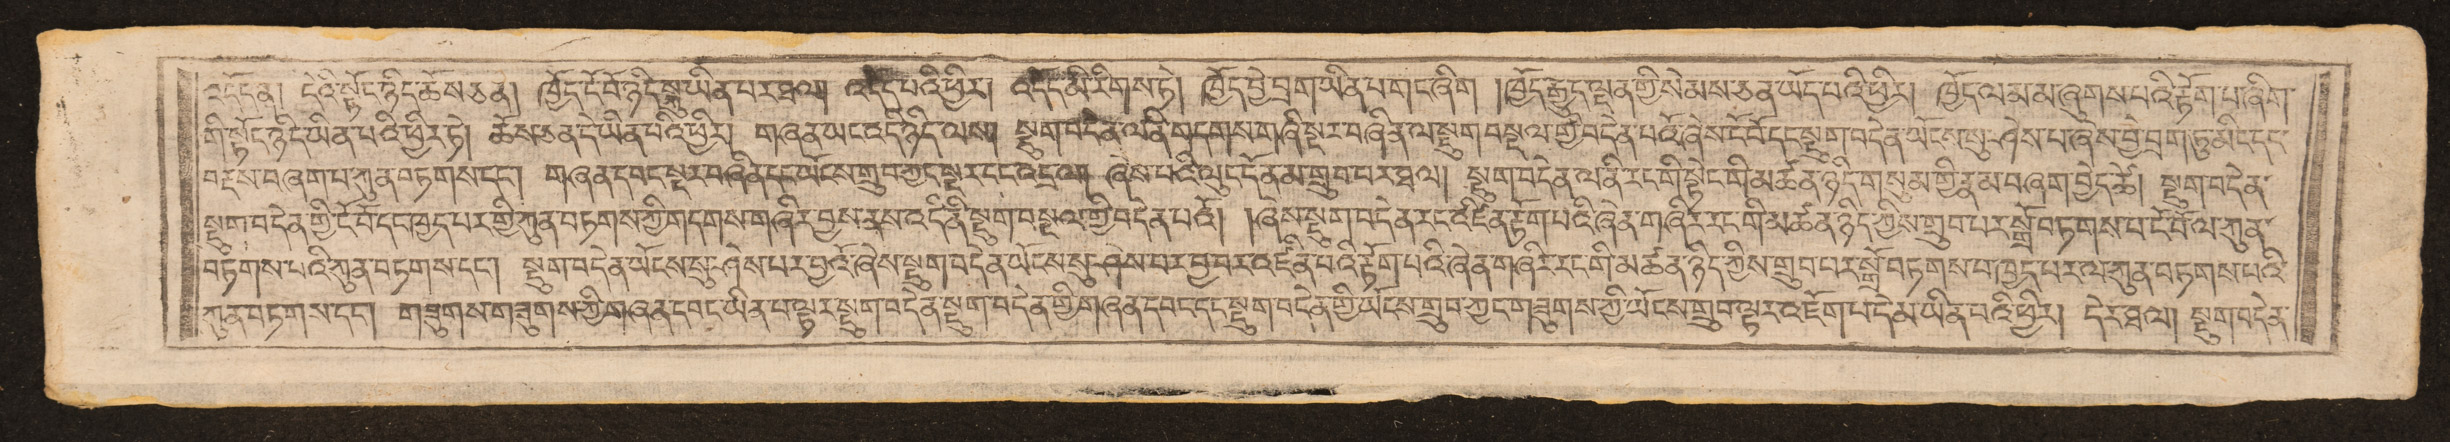འདོད་ན། དེའི་སྟོང་ཉིད་ཆོས་ཅན། ཁྱོད་ངོ་བོ་ཉིད་སྐུ་ཡིན་པར་ཐལ། འདོད་པའི་ཕྱིར། འདོད་མི་རིགས་ཏེ། ཁྱོད་བྱེ་བྲག་ཡིན་པ་གང་ཞིག །ཁྱོད་རྒྱུད་ལྡན་གྱི་སེམས་ཅན་ཡོད་པའི་ཕྱིར། ཁྱོད་ལམ་མ་ཞུགས་པའི་རྟོག་པ་ཞིག་
གི་སྟོང་ཉིད་ཡིན་པའི་ཕྱིར་ཏེ། ཆོས་ཅན་དེ་ཡིན་པའི་ཕྱིར། གཞན་ཡང་འདི་ཉིད་ལས། སྡུག་བདེན་ལ་ནི་གདགས་གཞི་སྔར་བཞིན་ལ་སྡུག་བསྔལ་གྱི་བདེན་པའོ་ཞེས་ངོ་བོ་དང་སྡུག་བདེན་ཡོངས་སུ་ཤེས་པ་ཞེས་བྱེ་བྲག་ཏུ་མིང་དང་
བརྡས་བཞག་པ་ཀུན་བཏགས་དང་། གཞན་དབང་སྔར་བཞིན་དང་ཡོངས་གྲུབ་ཀྱང་སྔར་དང་འདྲ་ལ། ཞེས་པའི་ལུང་དོན་མ་གྲུབ་པར་ཐལ། སྡུག་བདེན་ལ་ནི་རང་གི་སྟེང་གི་མཚན་ཉིད་གསུམ་གྱི་རྣམ་བཞག་བྱེད་ཚེ། སྡུག་བདེན་
སྡུག་བདེན་གྱི་ངོ་བོ་དང་ཁྱད་པར་གྱི་ཀུན་བཏགས་ཀྱི་གདགས་གཞིར་བྱས་ནས་འདི་ནི་སྡུག་བསྔལ་གྱི་བདེན་པའོ། །ཞེས་སྡུག་བདེན་རང་འཛིན་རྟོག་པའི་ཞེན་གཞིར་རང་གི་མཚན་ཉིད་ཀྱིས་གྲུབ་པར་སྒྲོ་བཏགས་པ་ངོ་བོ་ལ་ཀུན་
བཏགས་པའི་ཀུན་བཏགས་དང་། སྡུག་བདེན་ཡོངས་སུ་ཤེས་པར་བྱའོ་ཞེས་སྡུག་བདེན་ཡོངས་སུ་ཤེས་པར་བྱ་བར་འཛིན་པའི་རྟོག་པའི་ཞེན་གཞིར་རང་གི་མཚན་ཉིད་ཀྱིས་གྲུབ་པར་སྒྲོ་བཏགས་པ་ཁྱད་པར་ལ་ཀུན་བཏགས་པའི་
ཀུན་བཏགས་དང་། གཟུགས་གཟུགས་ཀྱི་གཞན་དབང་ཡིན་པ་ལྟར་སྡུག་བདེན་སྡུག་བདེན་གྱི་གཞན་དབང་དང་སྡུག་བདེན་གྱི་ཡོངས་གྲུབ་ཀྱང་གཟུགས་ཀྱི་ཡོངས་གྲུབ་ལྟར་འཇོག་པ་དེ་མ་ཡིན་པའི་ཕྱིར། དེར་ཐལ། སྡུག་བདེན་